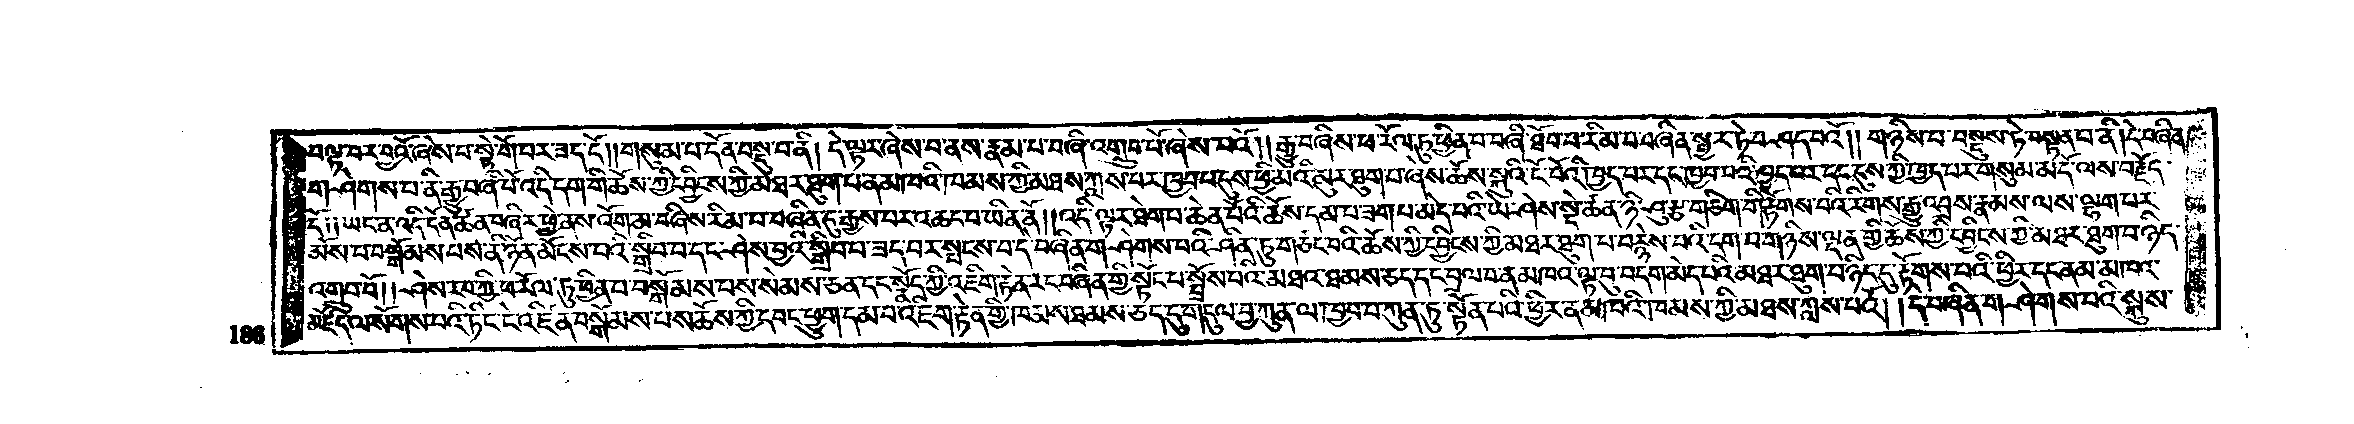བལྟ་བར་བྱའོ་ཞེས་པ་སྟེ་གོ་བར་ཟད་དོ། །གསུམ་པ་དོན་བསྡུ་བ་ནི། དེ་ལྟར་ཞེས་པ་ནས་རྣམ་པ་བཞི་འགྲུབ་བོ་ཞེས་པའོ། །རྒྱུ་བཞིས་ཕ་རོལ་ཏུ་ཕྱིན་པ་བཞི་ཐོབ་པ་རིམ་པ་བཞིན་སྦྱར་ཏེ་བཤད་པའོ། །གཉིས་པ་བསྡུས་ཏེ་བསྟན་པ་ནི། དེ་བཞིན་
གཤེགས་པ་ནི་རྒྱུ་བཞི་པོ་འདི་དག་གི་ཆོས་ཀྱི་དབྱིངས་ཀྱི་མཐར་ཐུག་པ་ནམ་མཁའི་ཁམས་ཀྱི་མཐས་ཀླས་པར་ཁྱབ་པ་དུས་ཕྱི་མའི་མུར་ཐུག་པ་ཞེས་ཆོས་སྐུའི་ངོ་བོའི་ཁྱད་པར་དང་ཁྱབ་པའི་ཁྱད་པར་དང་དུས་ཀྱི་ཁྱད་པར་གསུམ་མདོ་ལས་བརྗོད་
དོ༑ ༑ཡང་ན་འདི་དོན་ཚན་བཞིར་ཕྱེ་ནས་འོག་མ་བཞིས་རིམ་པ་བཞིན་དུ་རྒྱས་པར་འཆད་པ་ཡིན་ནོ། །འདི་ལྟར་ཐེག་པ་ཆེན་པོའི་ཆོས་དམ་པ་ཟག་པ་མེད་པའི་ཡེ་ཤེས་སྡེ་ཚན་ཉི་ཤུ་རྩ་གཅིག་གི་རྟོགས་པའི་རིགས་རྒྱུ་འབྲས་རྣམས་ལས་ལྷག་པར་
མོས་པ་བསྒོམས་པས་ནི་ཉོན་མོངས་པའི་སྒྲིབ་པ་དང་ཤེས་བྱའི་སྒྲིབ་པ་ཟད་པར་སྤངས་པ་དེ་བཞིན་གཤེགས་པའི་ཤིན་ཏུ་གཙང་བའི་ཆོས་ཀྱི་དབྱིངས་ཀྱི་མཐར་ཐུག་པ་བརྙེས་པའི་དག་པ་གཉིས་ལྡན་གྱི་ཆོས་ཀྱི་དབྱིངས་ཀྱི་མཐར་ཐུག་པ་ཉིད་
འགྲུབ་བོ། །ཤེས་རབ་ཀྱི་ཕ་རོལ་ཏུ་ཕྱིན་པ་བསྒོམས་པས་སེམས་ཅན་དང་སྣོད་ཀྱི་འཇིག་རྟེན་རང་བཞིན་གྱི་སྟོང་པ་སྤྲོས་པའི་མཐའ་ཐམས་ཅད་དང་བྲལ་བ་ནམ་མཁའ་ལྟ་བུ་བདག་མེད་པའི་མཐར་ཐུག་པ་ཉིད་དུ་རྟོགས་པའི་ཕྱིར་དང་ནམ་མཁའ་
མཛོད་ལ་སོགས་པའི་ཏིང་ངེ་འཛིན་བསྒོམས་པས་ཆོས་ཀྱི་དབང་ཕྱུག་དམ་པའི་འཇིག་རྟེན་གྱི་ཁམས་ཐམས་ཅད་དུ་གདུལ་བྱ་ཀུན་ལ་ཁྱབ་པ་ཀུན་ཏུ་སྟོན་པའི་ཕྱིར་ནམ་མཁའི་ཁམས་ཀྱི་མཐས་ཀླས་པའོ། །དེ་བཞིན་གཤེགས་པའི་སྐུས་